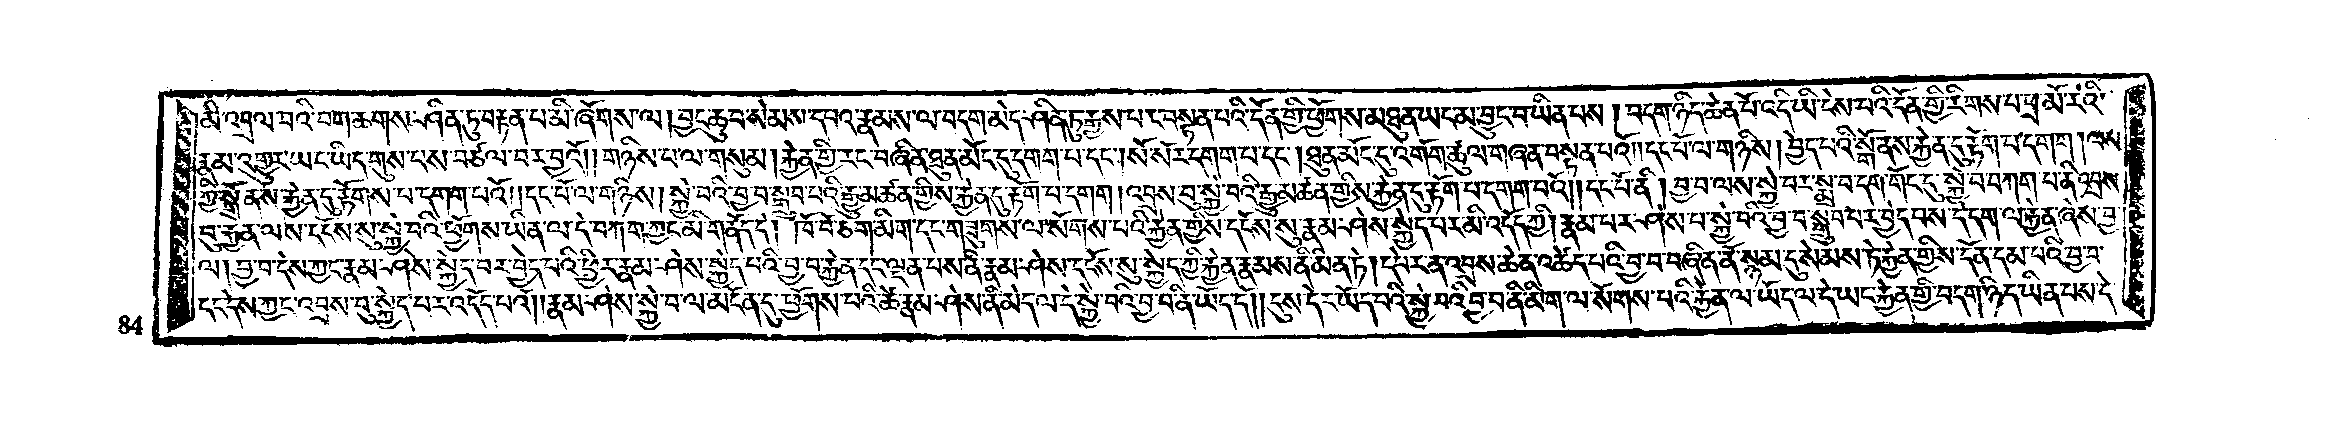མི་འབྲལ་བའི་བག་ཆགས་ཤིན་ཏུ་བརྟན་པ་མི་ཞོགས་ལ། བྱང་ཆུབ་སེམས་དཔའ་རྣམས་ལ་བདག་མེད་ཤིན་ཏུ་རྒྱས་བར་བསྟན་པའི་དོན་གྱི་ཕྱོགས་མཐུན་ཡང་མ་བྱུང་བ་ཡིན་པས། བདག་ཉིད་ཆེན་པོ་འདི་ཡི་ངེས་པའི་དོན་གྱི་རིགས་པ་ཕྲ་མོ་རེའི་
རྣམ་འགྱུར་ཡང་ཡིད་གུས་པས་བཙལ་བར་བྱའོ། །གཉིས་པ་ལ་གསུམ། རྐྱེན་གྱི་རང་བཞིན་ཐུན་མོང་དུ་དགག་པ་དང་། སོ་སོར་དགག་པ་དང་། ཐུན་མོང་དུ་འགོག་ཚུལ་གཞན་བསྟན་པའོ། །དང་པོ་ལ་གཉིས། བྱེད་པའི་སྒོ་ནས་རྐྱེན་དུ་རྟོག་པ་དགག །ལས་
ཀྱི་སྒོ་ནས་རྐྱེན་དུ་རྟོགས་པ་དགག་པའོ། །དང་པོ་ལ་གཉིས། །སྐྱེ་བའི་བྱད་སྒྲུབ་བའི་རྒྱུ་མཚན་གྱིས་རྐྱེན་དུ་རྟོག་པ་དགག། འབྲས་བུ་སྐྱེ་བའི་རྒྱུ་མཚན་གྱིས་རྐྱེན་དུ་རྟོག་པ་དགག་པའོ། །དང་པོ་ནི། བྱ་བ་ལས་སྐྱེ་བར་སྨྲ་བ་དག་གོང་དུ་སྐྱེ་བ་བཀག་བ་ནི་འབྲས་
བུ་རྐྱན་ལས་དངོས་སུ་སྐྱེ་བའི་ཕྱོགས་ཡིན་ལ་དེ་བཀག་ཀྱང་མི་གནོད་དོ། ཁོ་བོ་ཅག་མིག་དང་གཟུགས་ལ་སོགས་བའི་རྐྱེན་གྱིས་དངོས་སུ་རྣམ་ཤེས་སྐྱེད་བར་མི་འདོད་ཀྱི། རྣམ་པར་ཤེས་པ་སྐྱེ་བའི་བྱ་བ་སྒྲུབ་པར་བྱེད་བས་དེ་དག་ལ་རྐྱེན་ཞེས་བྱ་
ལ། བྱ་བ་དེས་ཀྱང་རྣམ་ཤས་སྐྱེད་བར་བྱེད་བའི་ཕྱིར་རྣམ་ཤེས་སྐྱེད་བའི་བྱ་བ་རྐྱེན་དང་ལྡན་བས་ནི་རྣམ་ཤེས་དངོས་སུ་སྐྱེད་ཀྱི་རྐྱེན་རྣམས་ནི་མིན་ཏེ། དཔེར་ན་འབྲས་ཆེན་འཚེད་བའི་བྱ་བ་བཞིན་ནོ་སྙམ་དུ་སེམས་ཏེ་རྐྱེན་གྱིས་དོན་དམ་པའི་བྱ་བ་
དང་དེས་ཀྱང་འབྲས་བུ་སྐྱེད་བར་འདོད་བའོ། །རྣམ་ཤེས་སྐྱེ་བ་ལ་མངོན་དུ་ཕྱོགས་པའི་ཚེ་རྣམ་ཤེས་ནི་མེད་ལ་དེ་སྐྱེ་བའི་བྱ་བ་ནི་ཡོད་དོ། །དུས་དེར་ཡོད་བའི་སྐྱེ་བའི་བྱ་བ་ནི་མིག་ལ་སོགས་བའི་རྐྱེན་ལ་ཡོད་ལ་དེ་ཡང་རྐྱེན་གྱི་བདག་ཉིད་ཡིན་པས་དེ་